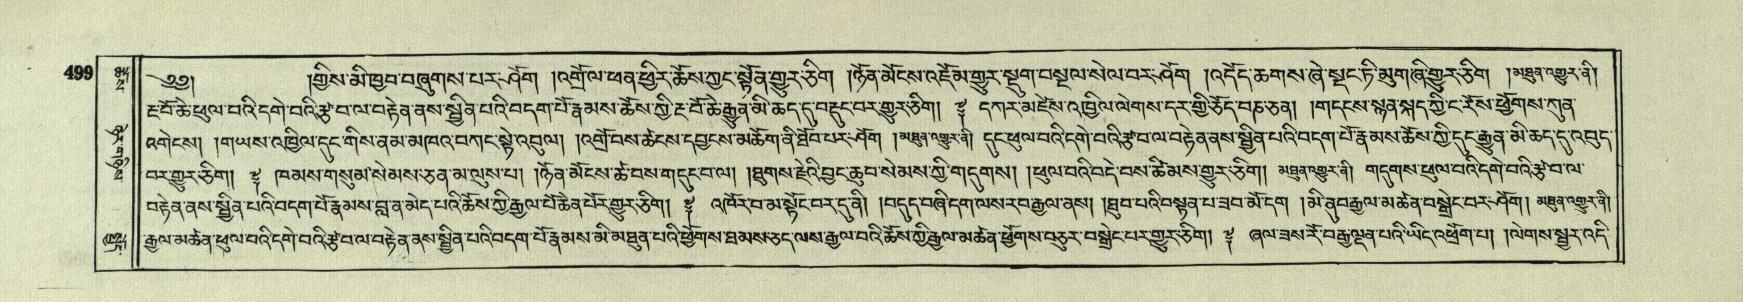༄༅། །གྱིས་མི་ཁྱབ་བཞུགས་པར་ཤོག །འགྲོ་ལ་ཕན་ཕྱིར་ཆོས་ཀྱང་སྟོན་གྱུར་ཅིག །ཉོན་མོངས་འཇོམ་གྱུར་སྡུག་བསྔལ་སེལ་བར་ཤོག །འདོད་ཆགས་ཞེ་སྡང་ཏི་མུག་ཞི་གྱུར་ཅིག་།མཐུན་འགྱུར་ནི།
རྔ་བོ་ཆེ་ཕུལ་བའི་དགེ་བའི་རྩ་བ་ལ་བརྟེན་ནས་སྦྱིན་པའི་བདག་པོ་རྣམས་ཆོས་ཀྱི་རྔ་བོ་ཆེ་རྒྱུན་མི་ཆད་དུ་བརྡུང་བར་གྱུར་ཅིག། འ་དཀར་མཛེས་འཁྱིལ་ལེགས་དར་གྱི་ཅོད་པཎ་ཅན། །གདངས་སྙན་སྐད་ཀྱི་ང་རོས་ཕྱོགས་ཀུན་
འགེངས། །གཡས་འཁྱིལ་དུང་གིས་ནམ་མཁའ་བཀང་སྟེ་འབུལ། །འགྲོ་བས་ཚངས་དབྱངས་མཆོག་ནི་ཐོབ་པར་ཤོག་།མཐུན་འགྱུར་ནི།  དུང་ཕུལ་བའི་དགེ་བའི་རྩ་བ་ལ་བརྟེན་ནས་སྦྱིན་པའི་བདག་པོ་རྣམས་ཆོས་ཀྱི་དུང་རྒྱུན་མི་ཆད་དུ་འབུད་
བར་གྱུར་ཅིག། འ་ཁམས་གསུམ་སེམས་ཅན་མ་ལུས་པ། །ཉོན་མོངས་ཚ་བས་གདུང་བ་ལ། །ཐུགས་རྗེའི་བྱང་ཆུབ་སེམས་ཀྱི་གདུགས། །ཕུལ་བའི་བདེ་བས་ཚིམས་གྱུར་ཅིག། མཐུན་འགྱུར་ནི།  གདུགས་ཕུལ་བའི་དགེ་བའི་རྩ་བ་ལ་
བརྟེན་ནས་སྦྱིན་པའི་བདག་པོ་རྣམས་བླ་ན་མེད་པའི་ཆོས་ཀྱི་རྒྱལ་པོ་ཆེན་པོར་གྱུར་ཅིག། འ་འཁོར་བ་མ་སྟོང་བར་དུ་ནི། །བདུད་བཞི་དག་ལས་རབ་རྒྱལ་ནས། །ཐུབ་པའི་བསྟན་པ་ཟབ་མོ་དག །མི་ནུབ་རྒྱལ་མཚན་བསྒྲེང་བར་ཤོག། མཐུན་འགྱུར་ནི།
རྒྱལ་མཚན་ཕུལ་བའི་དགེ་བའི་རྩ་བ་ལ་བརྟེན་ནས་སྦྱིན་པའི་བདག་པོ་རྣམས་མི་མཐུན་པའི་ཕྱོགས་ཐམས་ཅད་ལས་རྒྱལ་བའི་ཆོས་ཀྱི་རྒྱལ་མཚན་ཕྱོགས་བཅུར་བསྒྲེང་པར་གྱུར་ཅིག། འ་ཞལ་ཟས་རོ་བརྒྱ་ལྡན་པའི་ཡིད་འཕྲོག་པ། །ལེགས་སྦྱར་འདི་